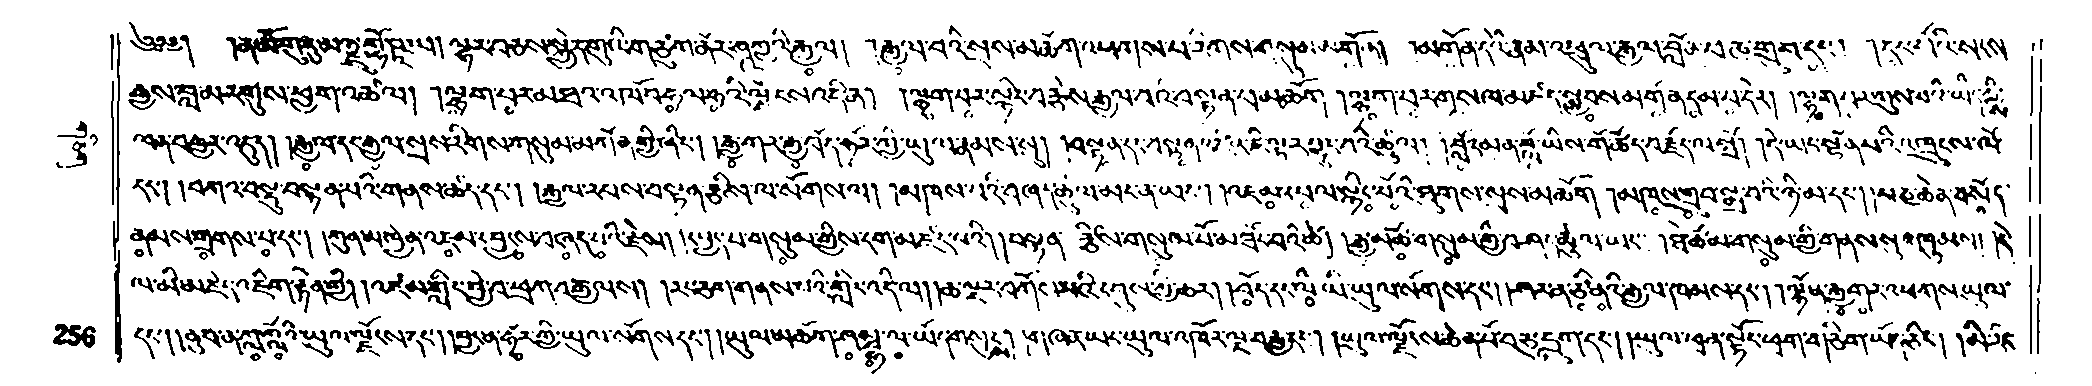༄༅༅། །ན་མོ་གུ་རུ་མཉྫུ་གྷོ་ཥཱ་ཡ། ལྷར་བཅས་སྐྱེ་དགུའི་གཙུག་ནོར་ཤཱཀྱའི་རྒྱལ། །རྒྱལ་བའི་སྲས་མཆོག་འཕགས་པ་རིགས་གསུམ་མགོན། །མགོན་དེའི་རྣམ་འཕྲུལ་རྒྱལ་བློན་པཎ་གྲུབ་དང་། །དང་བོའི་སངས་
རྒྱས་བླ་མར་གུས་ཕྱག་འཚལ། །ལྷག་པར་མཐའ་འཁོབ་ཧལ་ཧའི་ལྗོངས་འདི་ན། །ལྷག་པར་སྙིང་བརྩེས་རྒྱལ་བའི་བསྟན་པ་མཆོག །ལྷག་པར་གསལ་མཛད་སྐྱབས་མགོན་དམ་པ་དེར། །ལྷག་པར་གུས་པའི་ཡིད་ཀྱིས་
ལན་བརྒྱར་འདུད། །རྒྱལ་དང་རྒྱལ་སྲས་རིགས་གསུམ་མགོན་གྱི་ཞིང་། །རྒྱ་གར་རྒྱ་བོད་ཧོར་གྱི་ཡུལ་རྣམས་སུ། །བསྟན་དང་བསྟན་འཛིན་ཇི་ལྟར་བྱུང་བའི་ཚུལ། །བློ་དམན་བློ་ཡིས་གོ་ཚོད་བརྗོད་ལ་སྤྲོ། །དེ་ཡང་སྟོན་པའི་འཁྲུངས་ལོ་
དང་། །བཀའ་བསྡུ་བསྟན་པའི་གནས་ཚད་དང་། །རྒྱལ་རབས་བསྟན་རྩིས་ལ་སོགས་ལ། །མཁས་པའི་བཞེད་ཚུལ་མང་ན་ཡང་། །འཇམ་དཔལ་སྙིང་བོའི་ཐུགས་སྲས་མཆོག །མཁས་གྲུབ་སྨྲ་བའི་ཉི་མ་དང་། །པཎ་ཆེན་བསོད་
ནམས་གྲགས་པ་དང་། །ཀུན་མཁྱེན་འཇམ་དབྱངས་བཞད་པའི་རྗེས། །དཔྱད་པ་གསུམ་གྱིས་དག་མཛད་པའི། །བསྟན་རྩིས་གསུམ་པོ་མཐོང་བའི་ཚེ། །རྒྱ་མཚོ་གསུམ་གྱི་བཤད་ཚུལ་ཡང་། །ཐེ་ཚོམ་གསུམ་གྱི་གནས་སུ་འཁུམས། །དེ་
ལ་མི་མཇེད་འཇིག་རྟེན་གྱི། །འཛམ་གླིང་བྱེ་བ་ཕྲག་བརྒྱ་ལས། །རང་ཅག་གནས་པའི་གླིང་འདི་ལ། །ཆ་ལྔར་བགོས་པའི་དབུས་ཀྱི་ཆར། །བོད་དང་ལི་ཡི་ཡུལ་སོགས་དང་། །ཤར་ན་ཙི་ནའི་རྒྱལ་ཁམས་དང་། །ལྷོ་ན་རྒྱ་གར་འཕགས་ཡུལ་
དང་། །ནུབ་ན་ཀླ་ཀློའི་ཡུལ་ལྗོངས་དང་། །བྱང་ན་ཧོར་གྱི་ཡུལ་སོགས་དང་། །ཡུལ་མཆོག་ཤམྦྷ་ལ་ཡོད་གསུངས། །གཞན་ཡང་ཡུལ་འཁོར་ལྔ་བརྒྱ་དང་། །ཡུལ་ལྗོངས་ཆེན་པོ་བཅུ་དྲུག་དང་། །ཡུལ་ཕྲན་སྟོང་ཕྲག་གཅིག་ཡོད་ཅིང་། །མི་རིང་